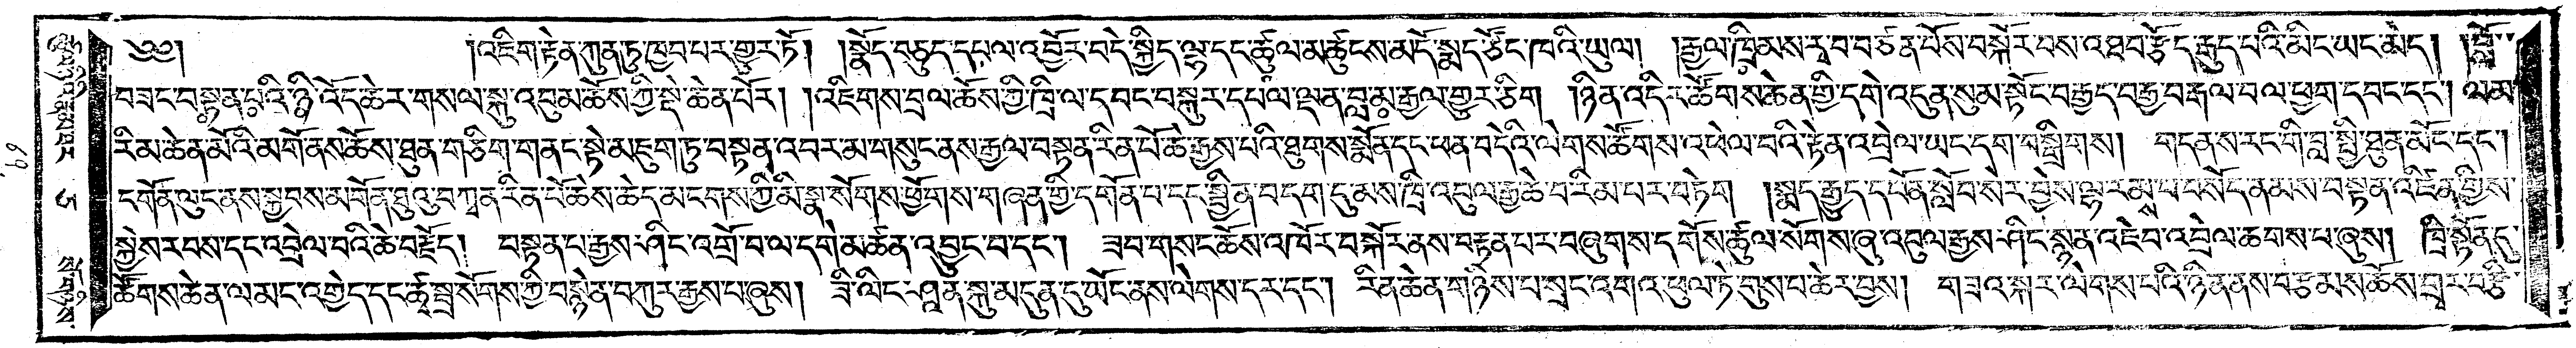༄༅། །འཇིག་རྟེན་ཀུན་ཏུ་ཁྱབ་པར་གྱུར་ཏོ། །སྣོད་བཅུད་དཔལ་འབྱོར་བདེ་སྐྱིད་ལྷ་དང་ཚུལ་མཚུངས་མདོ་སྨད་ཙོང་ཁའི་ཡུལ། །རྒྱལ་ཁྲིམས་རྭ་བ་བཙན་བོས་བསྐོར་བས་འཐབ་རྩོད་རྒུད་པའི་མིང་ཡང་མེད། །བློ་
བཟང་བསྟན་པའི་ཉི་འོད་ཆེར་གསལ་སྐུ་འབུམ་ཆོས་ཀྱི་སྡེ་ཆེན་པོར། །འཇིགས་བྲལ་ཚོས་ཀྱི་ཁྲི་ལ་དབང་བསྐུར་དཔལ་ལྡན་བླ་མ྾་རྒྱལ་གྱུར་ཅིག །ཉིན་འདིར་ཚོགས་ཆེན་གྱི་དགེ་འདུན་སུམ་སྟོང་བརྒྱད་བརྒྱ་བརྒལ་བ་ལ་ཕྱག་དབང་དང་། ལམ་
རིམ་ཆེན་མོའི་མགོ་ནས་ཆོས་ཐུན་གཅིག་གནང་སྟེ་མཇུག་ཏུ་བསྟན་འབར་མ་གསུང་ནས་རྒྱལ་བསྟན་རིན་པོ་ཆེ་རྒྱལ་པའི་ཐུགས་སྨོན་དང་ཕན་བདེའི་ལེགས་ཚོགས་འཕེལ་བའི་རྟེན་འབྲེལ་ཡང་དག་བསྒྲིགས། གདན་ས་རང་གི་བླ་སྤྱི་ཐུན་མོང་དང་།
དགོན་ལུང་ནས་སྐྱབས་མགོན་ཐུའུ་བཀྭན་རིན་པོ་ཆེས་ཆེད་མངགས་ཀྱི་མི་སྣ་སོགས་ཕྱོགས་གཞན་གྱི་དགོན་པ་དང་སྤྱིན་བདག་དུ་མས་ཁྲི་འབུལ་རྒྱ་ཆེ་བ་རིམ་པར་བཏེག །སྨད་རྒྱུད་དཔོན་སློབ་སེར་བྱེས་ལྷ་རམས་པ་བསོད་ནམས་བསྟན་འཛིན་གྱིས་
སྐྱེས་རབས་དང་འབྲེལ་བའི་ཆེ་བརྗོད། བསྟན་པ་རྒྱས་ཤིང་འགྲོ་བ་ལ་དགེ་མཚན་འབྱུང་བ་དང་། ཟབ་གསང་ཆོས་འཁོར་བསྐོར་ནས་བརྟན་པར་བཞུགས་དགོས་ཚུལ་སོགས་ཞུ་འབུལ་རྒྱས་ཤིང་སྙན་འཇེབ་འབྲེལ་ཆགས་པ་ཞུས། ཁྲི་སྟོན་དུ་
ཚོགས་ཆེན་ལ་མང་འགྱེད་དང་ཚྭ་སྦྲ་སོགས་ཀྱི་བསྙེན་བཀུར་རྒྱས་བ་ཞུས། ཟི་ལིང་ཤཱན་སྐུ་མདུན་དུ་ཡོང་ནས་ལེགས་དར་དང་། རིན་ཆེན་གཉིས་པ་སྲང་འགའ་ཕུལ་ཏེ་གུས་པ་ཆེར་བྱས། གཟའ་སྐར་ལེགས་པའི་ཉིན་ནས་བརྩམས་ཆོས་གྲྭར་བརྩི་